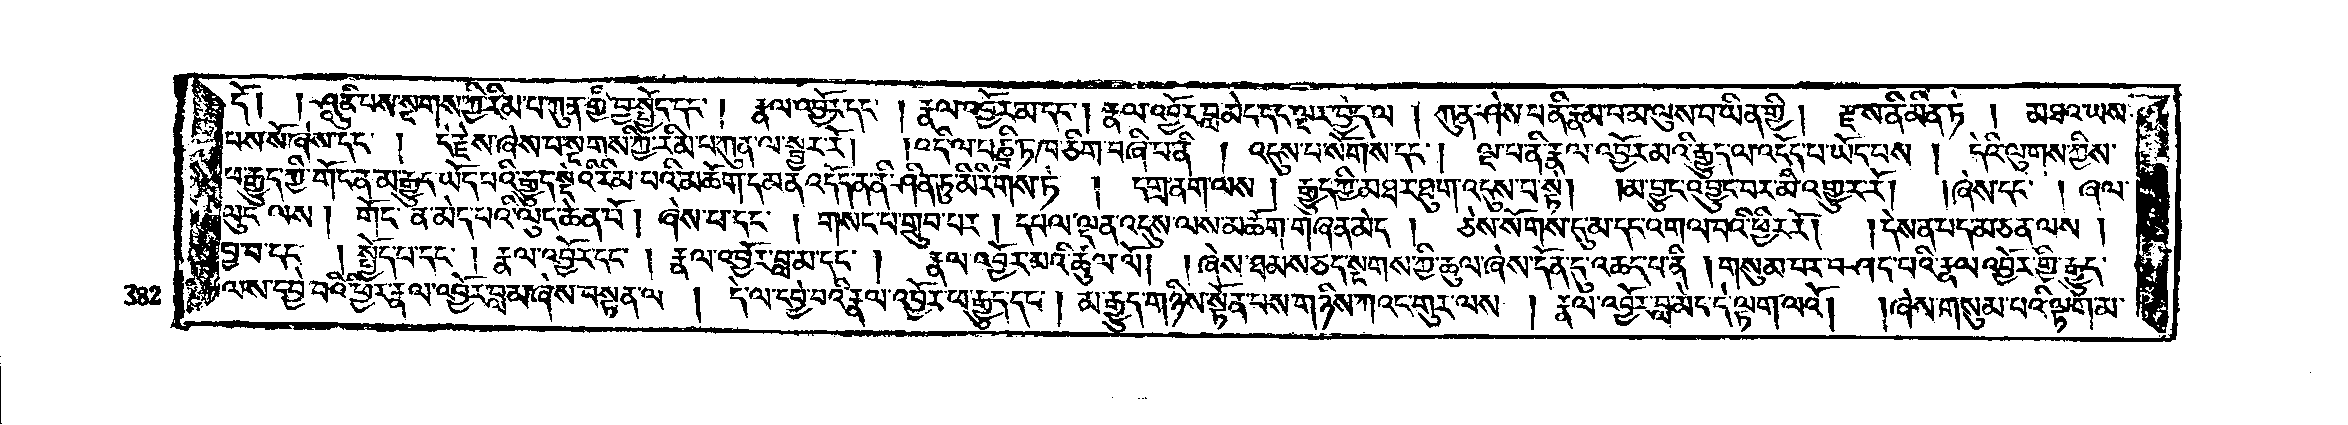དོ། །ཤཱུ་ནི་པས་སྔགས་ཀྱི་རིམ་པ་ཀུན་གྱི་བྱ་སྤྱོད་དང་། རྣལ་འབྱོར་དང་། རྣལ་འབྱོར་མ་དང་། རྣལ་འབྱོར་བླ་མེད་དང་ལྔར་བྱེད་ལ། ཀུན་ཤེས་པ་ནི་རྣམ་པ་མ་ལུས་པ་ཡིན་གྱི། རྫས་ནི་མིན་ཏེ། མཐའ་ཡས་
པས་སོ་ཞེས་དང་། དེ་རྗེས་ཞེས་པ་སྔགས་ཀྱི་རིམ་པ་ཀུན་ལ་སྦྱར་རོ། །འདི་ལ་པཎྜི་ཏ་ཁ་ཅིག་བཞི་པ་ནི། འདུས་པ་སོགས་དང་། ལྔ་པ་ནི་རྣལ་འབྱོར་མའི་རྒྱུད་ལ་འདོད་པ་ཡོད་པས། དེའི་ལུགས་ཀྱིས་
ཕ་རྒྱུད་ཀྱི་གོང་མ་རྒྱུད་ཡོད་པའི་རྒྱུད་སྡེའི་རིམ་པའི་མཆོག་དམན་འདོད་ན་ནི་ཤིན་ཏུ་མི་རིགས་ཏེ། དགྲ་ནག་ལས། རྒྱུད་ཀྱི་མཐར་ཐུག་འདུས་པ་སྟེ། མ་བྱུང་འབྱུང་བར་མི་འགྱུར་རོ། །ཞེས་དང་། །ཞལ་
ལུང་ལས། གོང་ན་མེད་པའི་ལུང་ཆེན་པོ། ཞེས་པ་དང་། གསང་པ་གྲུབ་པར། དཔལ་ལྡན་འདུས་ལས་མཆོག་གཞན་མེད། ཅེས་སོགས་དུ་མ་དང་འགལ་བའི་ཕྱིར་རོ། །དེས་ན་པད་མ་ཅན་ལས།
བྱ་བ་དང་། སྤྱོད་པ་དང་། རྣལ་འབྱོར་དང་། རྣལ་འབྱོར་བླ་མ་དང་། རྣལ་འབྱོར་མའི་ཚུལ་ལོ། །ཞེས་ཐམས་ཅད་སྔགས་ཀྱི་ཚུལ་ཞེས་དོན་དུ་འཆད་པ་ནི། གསུམ་པར་བཤད་པའི་རྣལ་འབྱོར་གྱི་རྒྱུད་
ལས་དབྱེ་བའི་ཕྱིར་རྣལ་འབྱོར་བླ་མ་ཞེས་བསྟན་ལ། དེ་ལ་དབྱེ་བའི་རྣལ་འབྱོར་ཕ་རྒྱུད་དང་། མ་རྒྱུད་གཉིས་སྟོན་པས་གཉིས་ཀའང་གུར་ལས། རྣལ་འབྱོར་བླ་མེད་དེ་ལྟག་ལའོ། །ཞེས་གསུམ་པའི་ལྟག་མ་